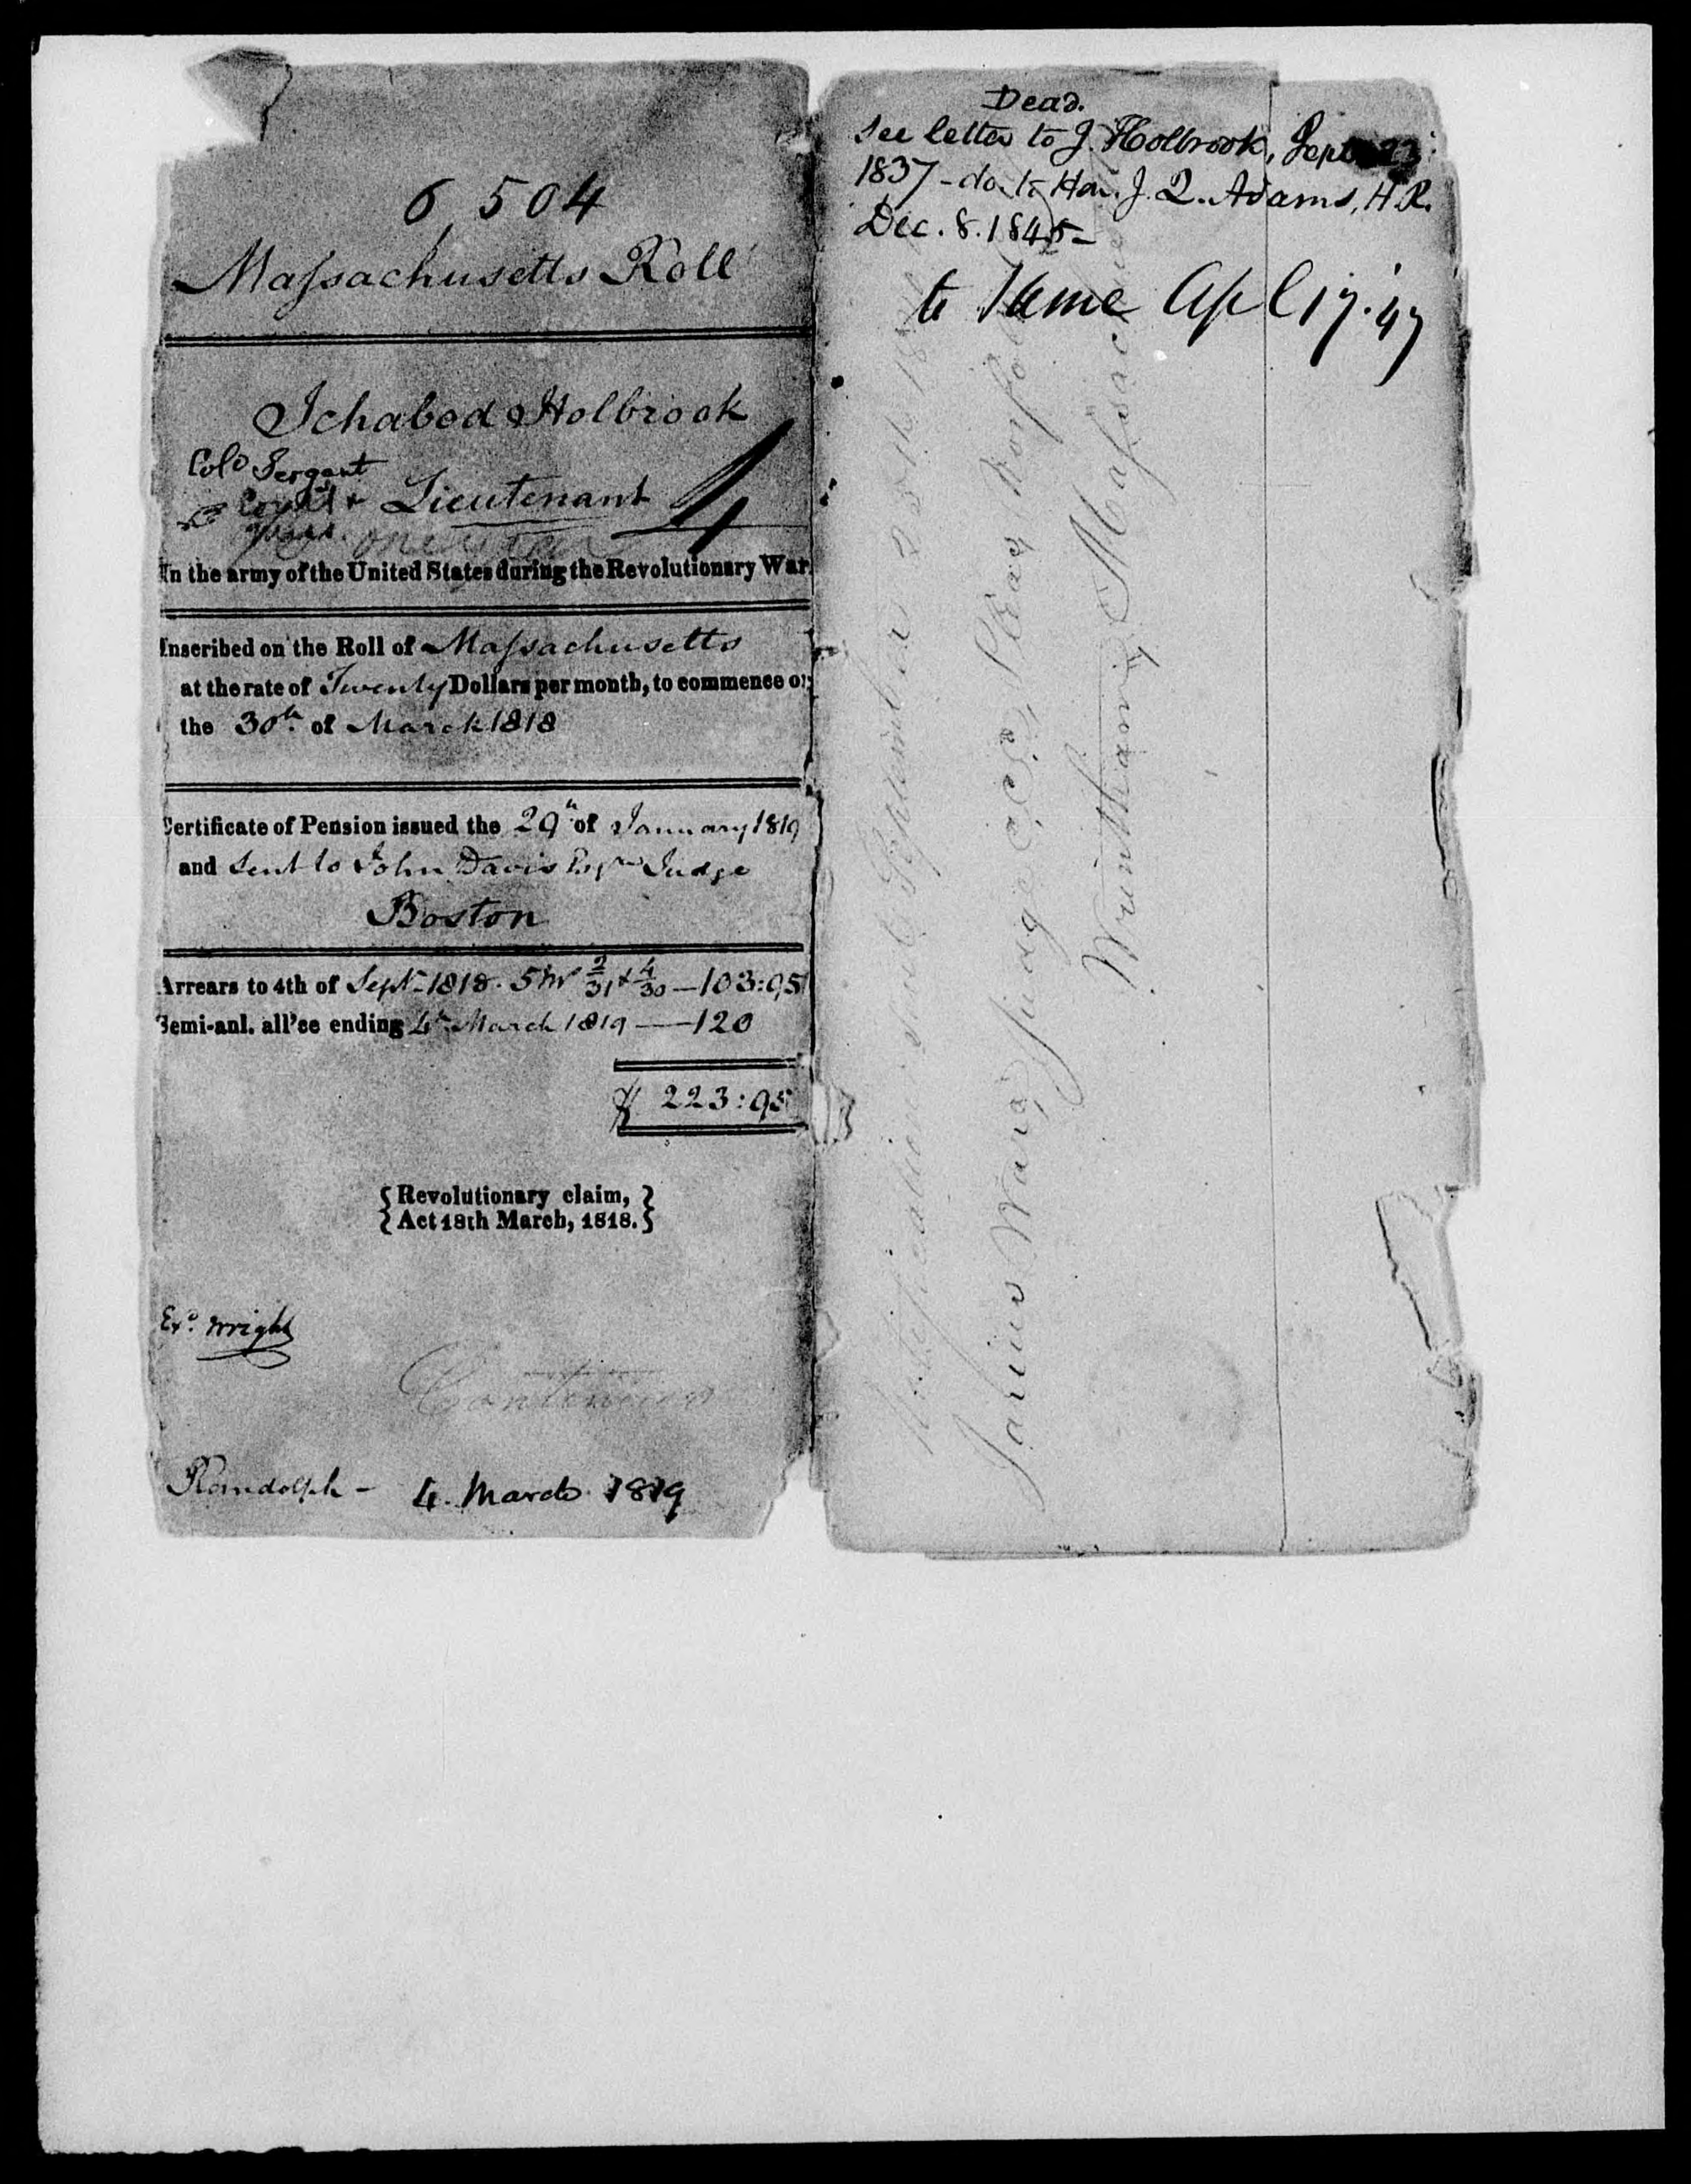6504
Massachusetts Roll

Ichabod Holbrook
Colo Sergeant
Lieutenant
Mass one year
in the army of the United States during the Revolutionary War

Inscribed on the Roll of Massachusetts
at the rate of Twenty Dollars per month, to commence the 30th of March 1818

Arrears to 4th Sept. 1818. 5W 2/31 x 4/30 - 103.95
Semi-anl. all'ee ending 20th March 1819 - 120

$223.95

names: Jairus Ware, Wright, I Holbrook, Sergant, J Q Adams, Ichabod Holbrook, John Davis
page: 2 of 15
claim: survivor's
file: S. 32,852, Ichabod Holbrook, Continental Mass.